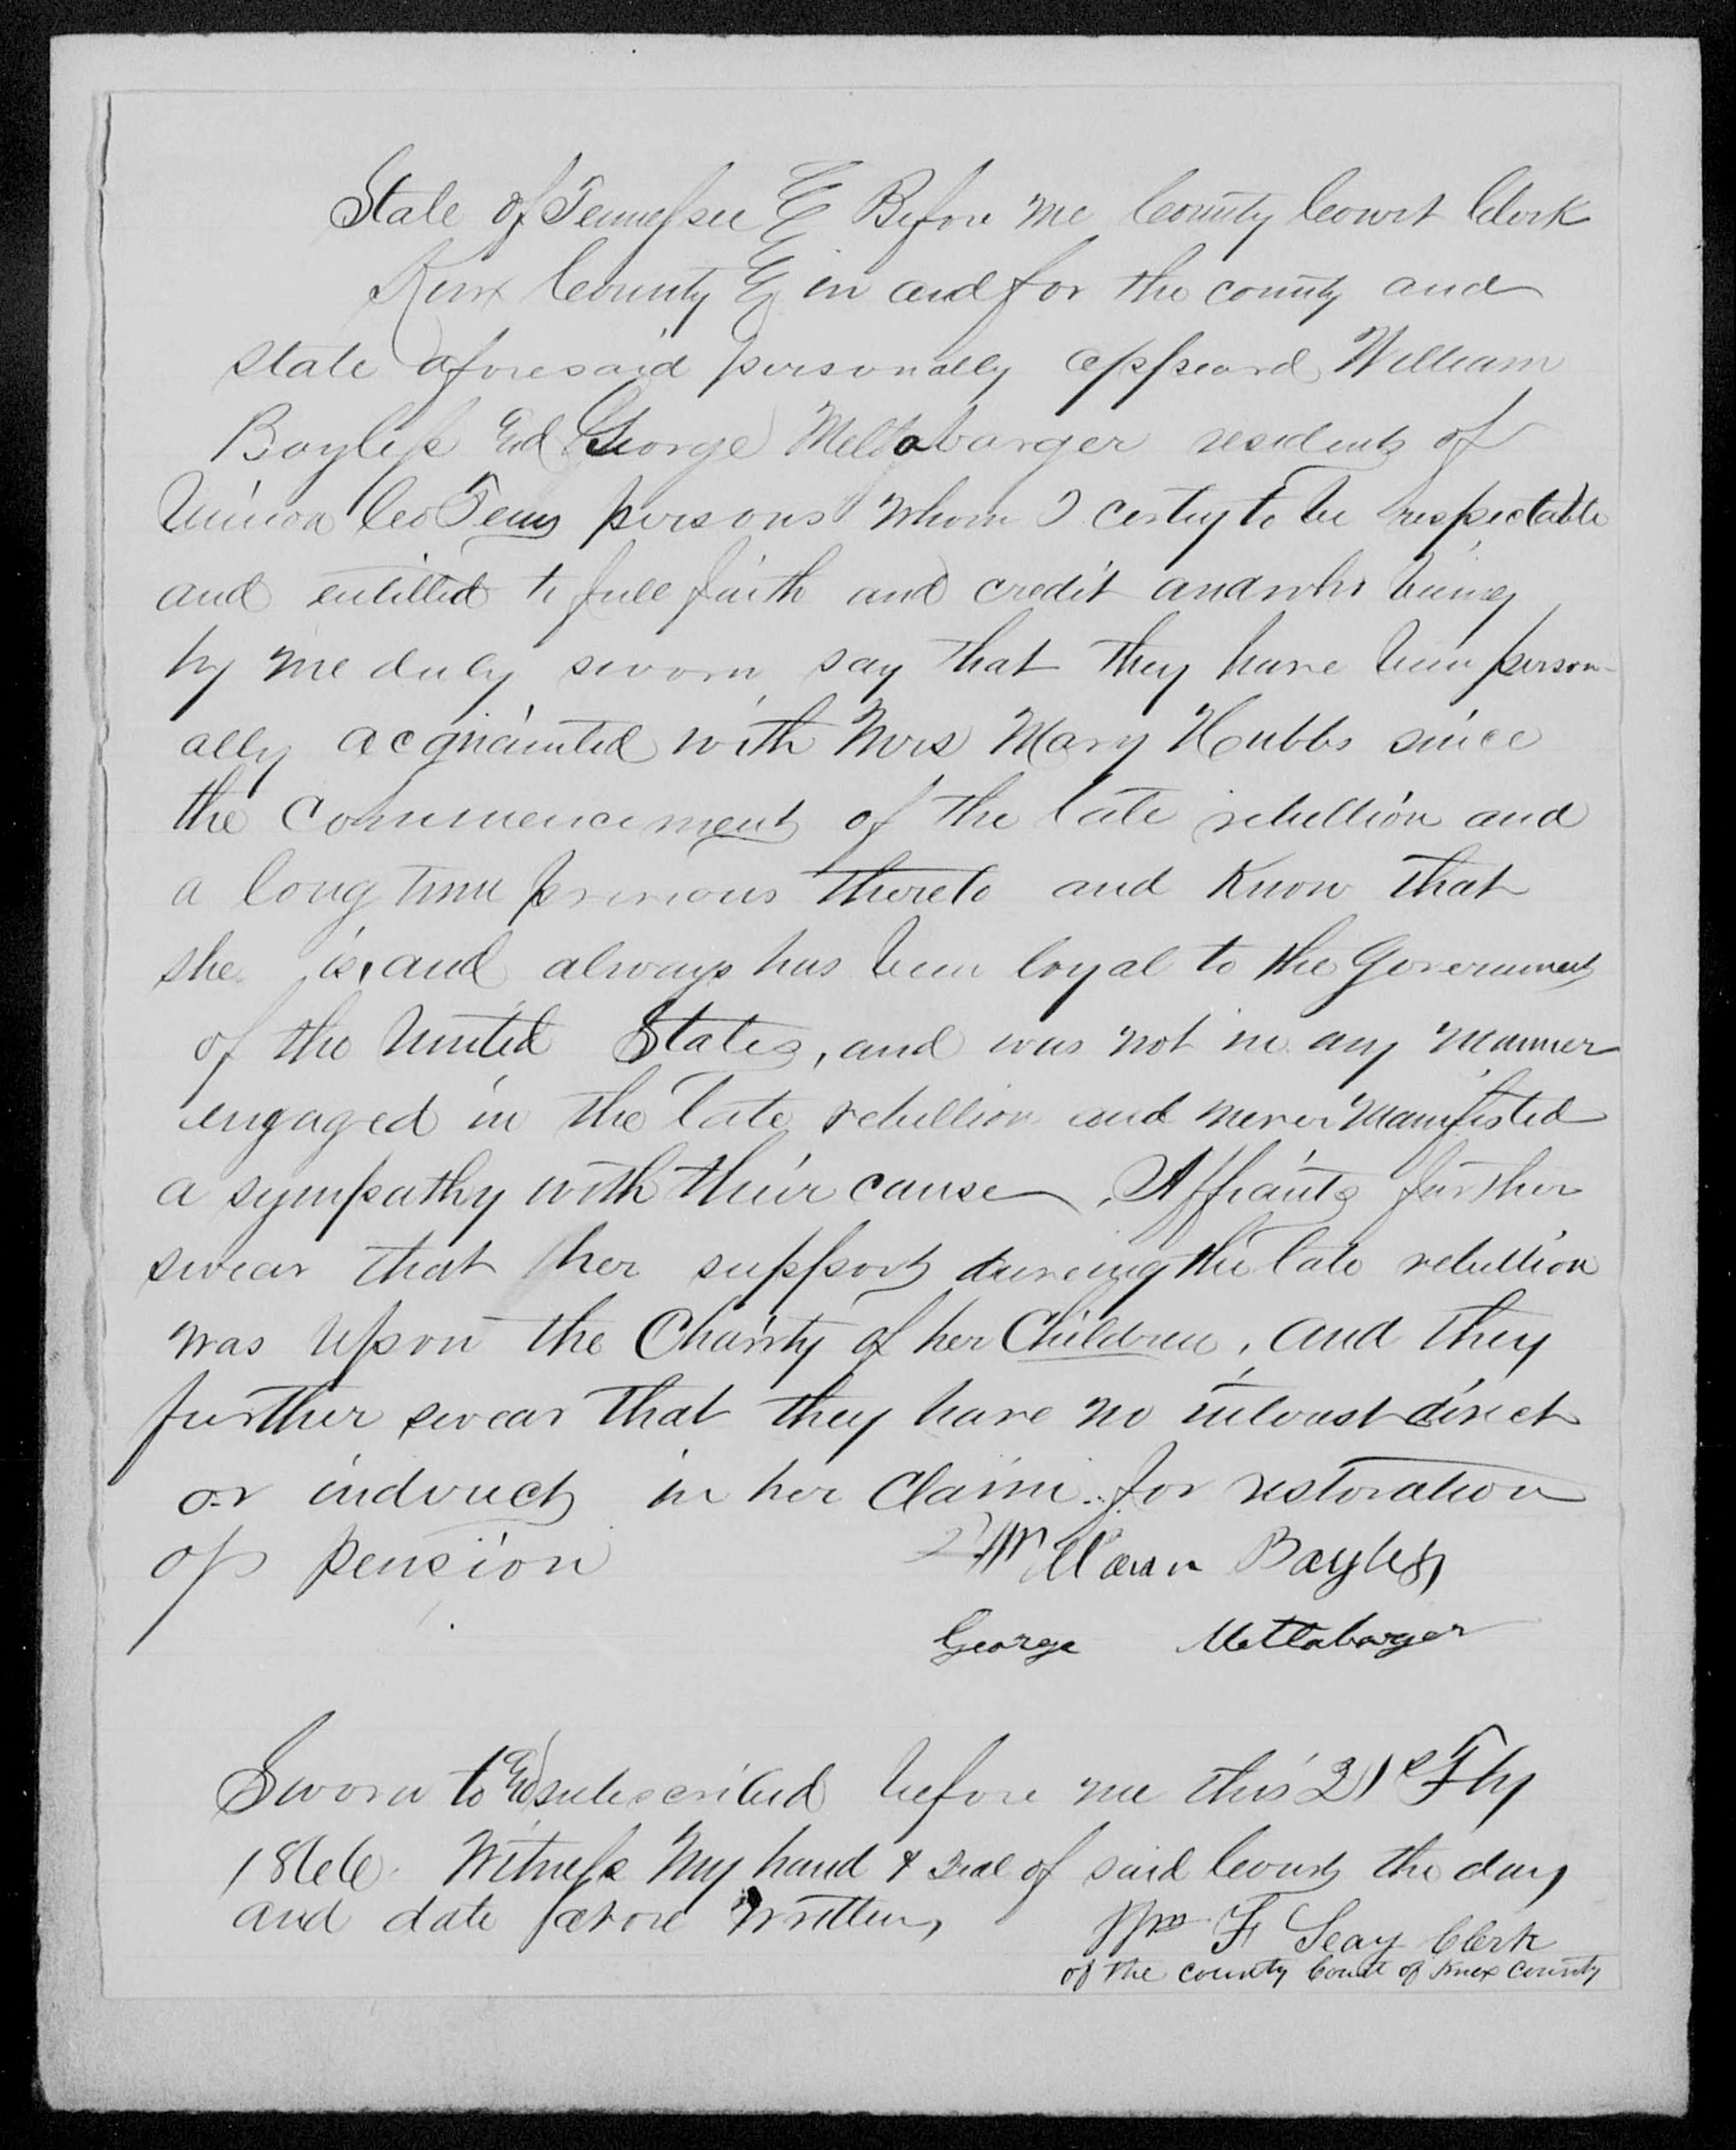State of Tennessee
Knox County

 Before me County Court Clerk in and for the County and State aforesaid personally appeared William Bayless and George Mettabarger residents of Union Co Tenn persons whom I certy to be respectable and entitled to full faith and credit and who being by me duly sworn, say that they have been personally acquainted with Mrs Mary Hubbs since the commencement of the late rebellion and a long time previous thereto and know that she is, and always has been loyal to the Government of the United States, and was not in any manner engaged in the late rebellion and never manifested a sympathy with their cause.  Affiant further swear that her support during the late rebellion was upon the charity of her children, and they further swear that they have no interest direct or indirect in her claim for restoration of pension
Willan Bayless
George Mettabarger

Sworn to and subscribed before me this 21st Feby. 1866, Witness my hand & seal of said Court the day and date above written.
Wm F Seay Clerk
of the County Court of Knox County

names: Wm F Seay, William Bayless, George Meltabarger, Mary Hubbs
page: 61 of 86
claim: widow's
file: W. 1035, John Hubbs, S.C.